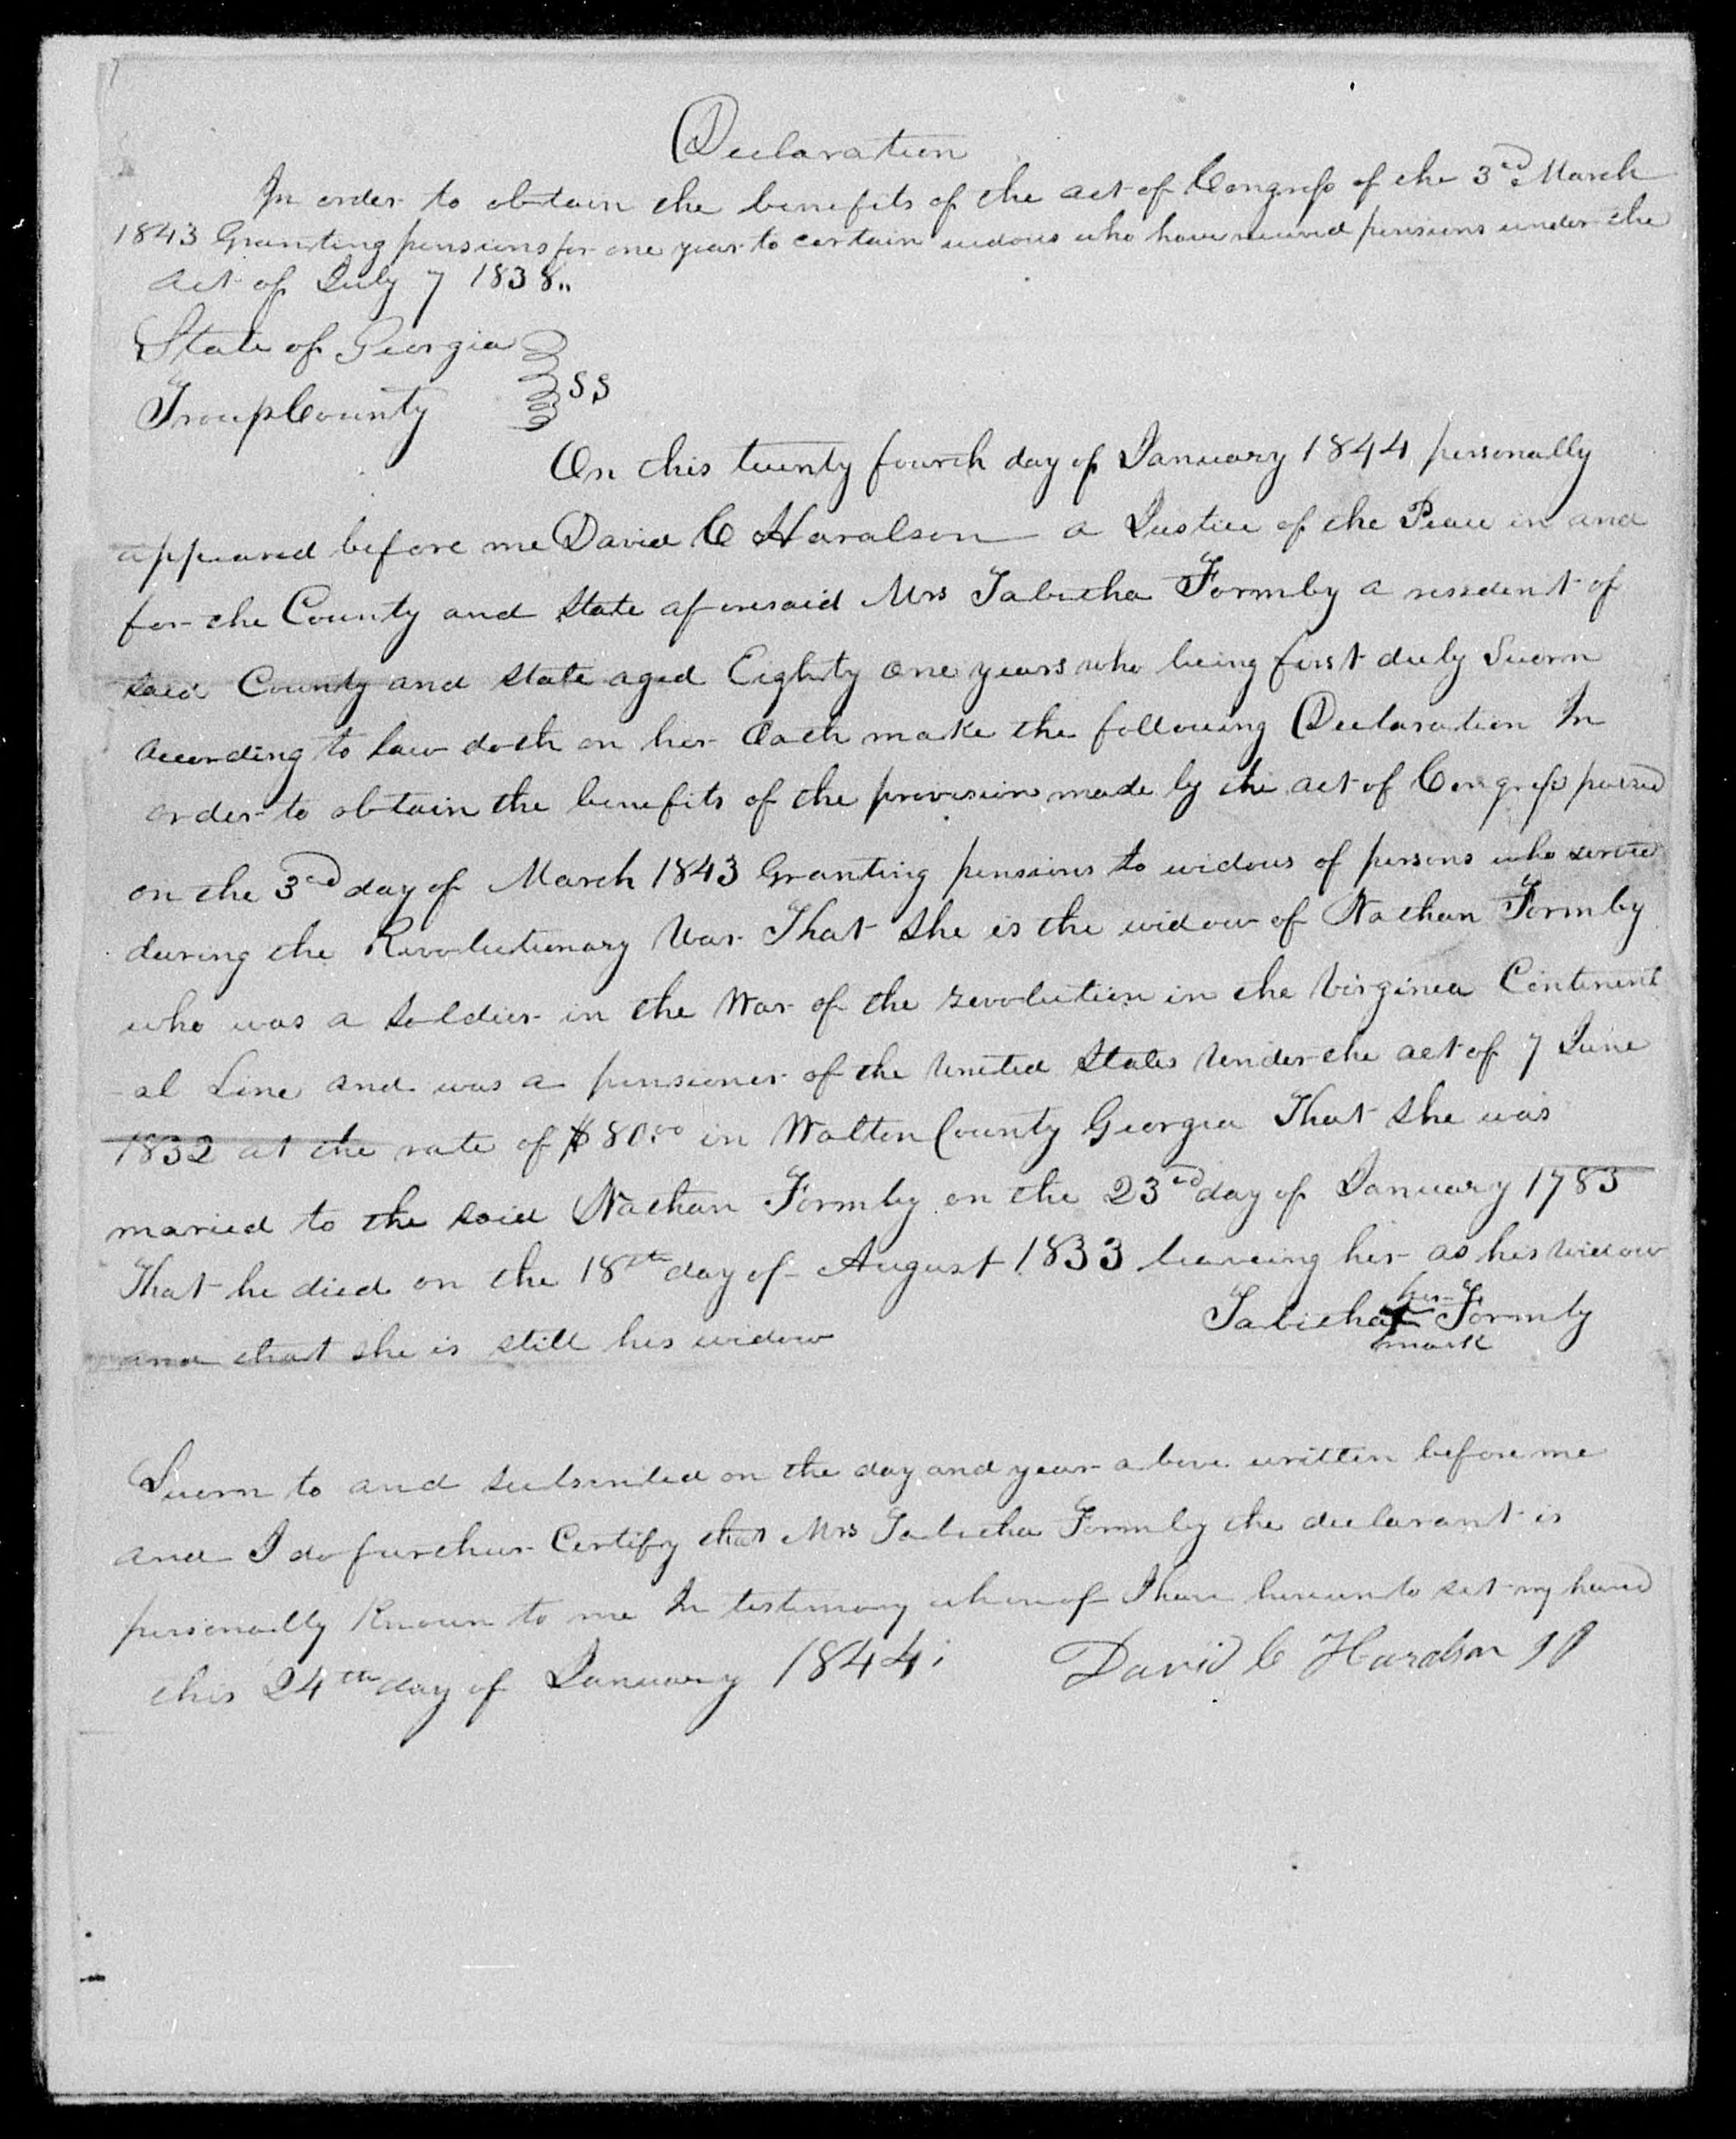Declaration
In order to obtain the benefits of the act of Congress of the 3rd March 1843 Granting pensions for one year to certain widows who have received pensions under the Act of July 7 1838"
State of Georgia}
Troup County} SS
On this twenty forth day of January 1844 personally appeared before me David C Haralson a Justice of the Peace in and for the County and State aforesaid Mrs Tabitha Formby a resident of said County and State aged Eighty one years who being first duly Sworn according to law doth on her Oath make the following Declaration In order to obtain the benefits of the provision made by the Act of Congress passed on the 3rd day of March 1843 Granting pensions to widows of persons who served during the Revolutionary War That She is the widow of Nathan Formby who was a soldier in the War of the revolution in the Virginia Continental Line and was a pensioner of the United States under the act of 7 June 1832 at the rate of $80.00 in Walton County Georgia That She was married to the said Nathan Formby on the 23rd day of January 1785 That he died on the 18th day of August 1833 leaving her as his widow and that she is still his widow
Tabitha Formby
x her mark

Sworn to and subscribed on the day and year above written before me and I do further Certify that Mrs Tabitha Formby the declarant is personally known to me In testimony whereof I have hereunto set my hand this 24th day of January 1844; David C Haralson JP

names: Tabitha Formby, Tabitha Formby, Tabitha Formby, David C Haralson, Nathan Formby, Nathan Formby, David C Haralson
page: 53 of 54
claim: widow's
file: W. 3794, Nathan Formby, Va.